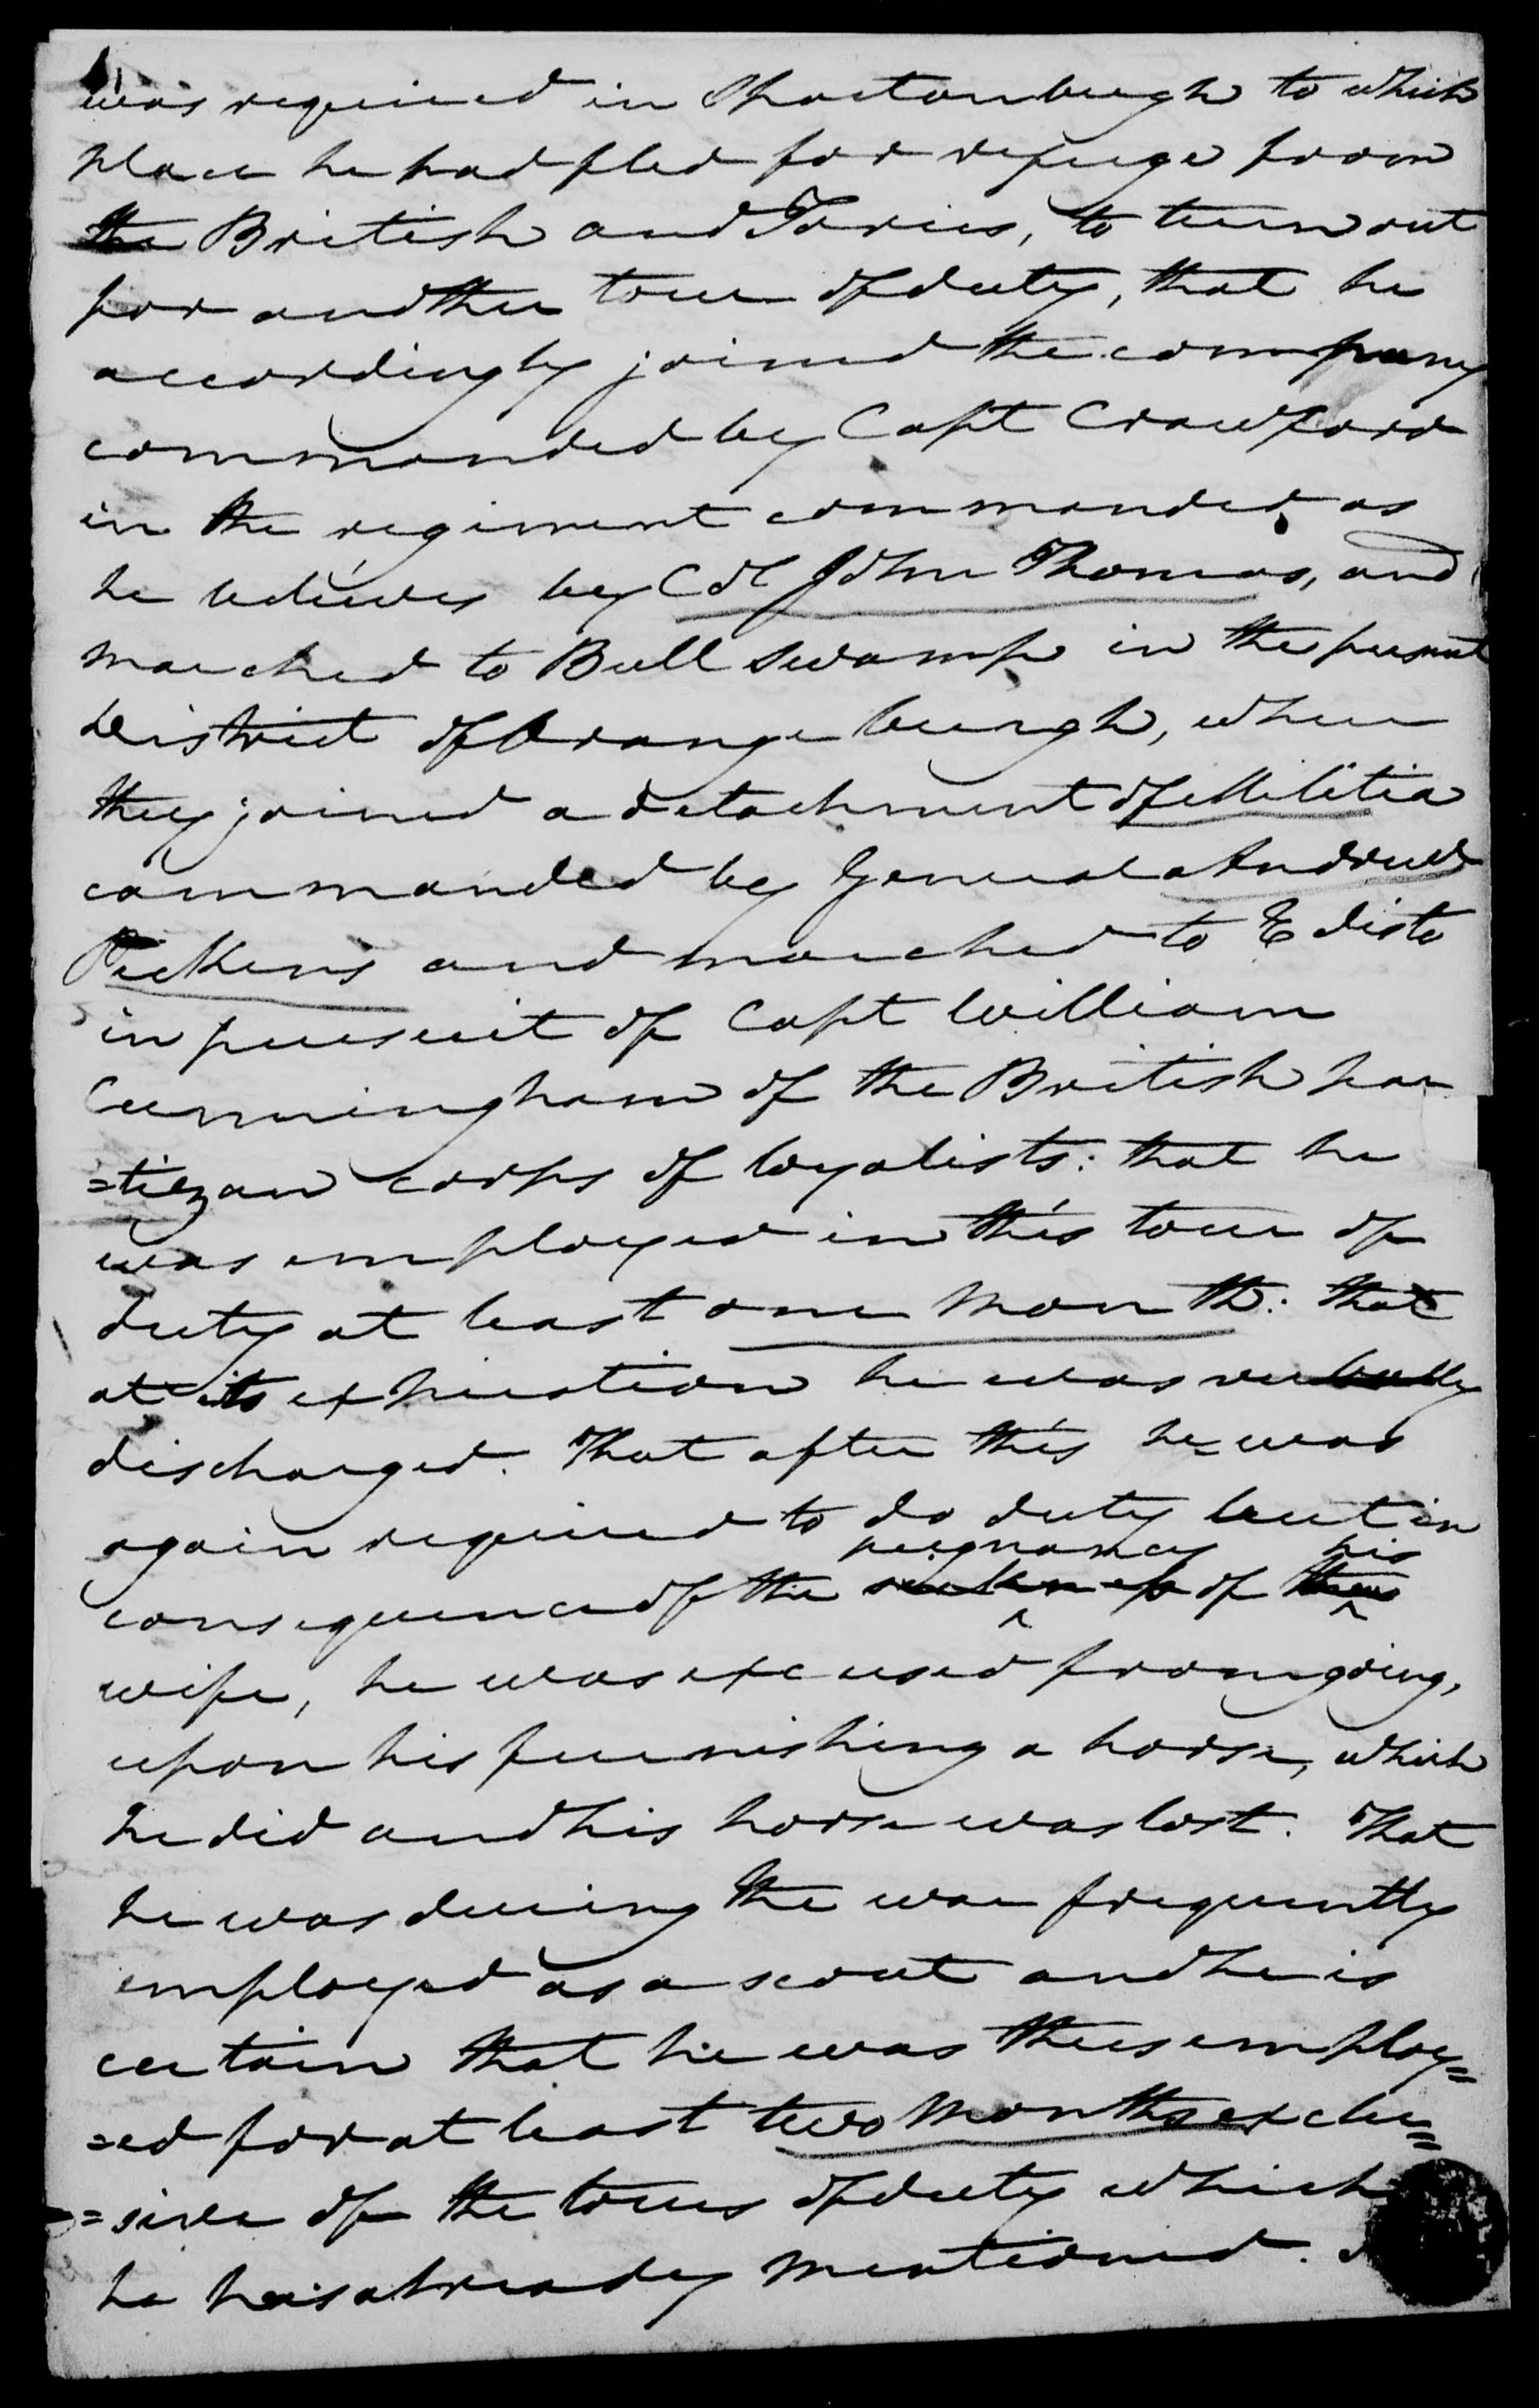was required in Spartanburgh to which place he had fled for refuge from the British and Tories to turn out for and this tour of duty that his accordingly joined the company commanded by capt Crawford in the regiment commanded as he believes by col John Thomas and marched to Bull Swamp in the present district of Orangeburgh where they joined a detachment of Militia commanded by General Andrew Pickens and marched to Edisto in pursuit of Capt William Cunningham of the British partizans corps of loyalists that he was employed in this tour of duty at least one month that at its expiration he was verbally discharged That after this he was again required to do duty but in consequence of the pregnancy of his wife he was excused from going upon his furnishing a horse which he did and his horse was lost That he was during the war frequently employed as a scout and he is certain that he was thus employed for at least two months exclusive of the tours of duty which he has already mentioned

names: Crawford, Andrew Pickins, William Cunningham, Nancy, John Thomas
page: 6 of 13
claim: survivor's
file: S. 21,725, John Davis, S.C.